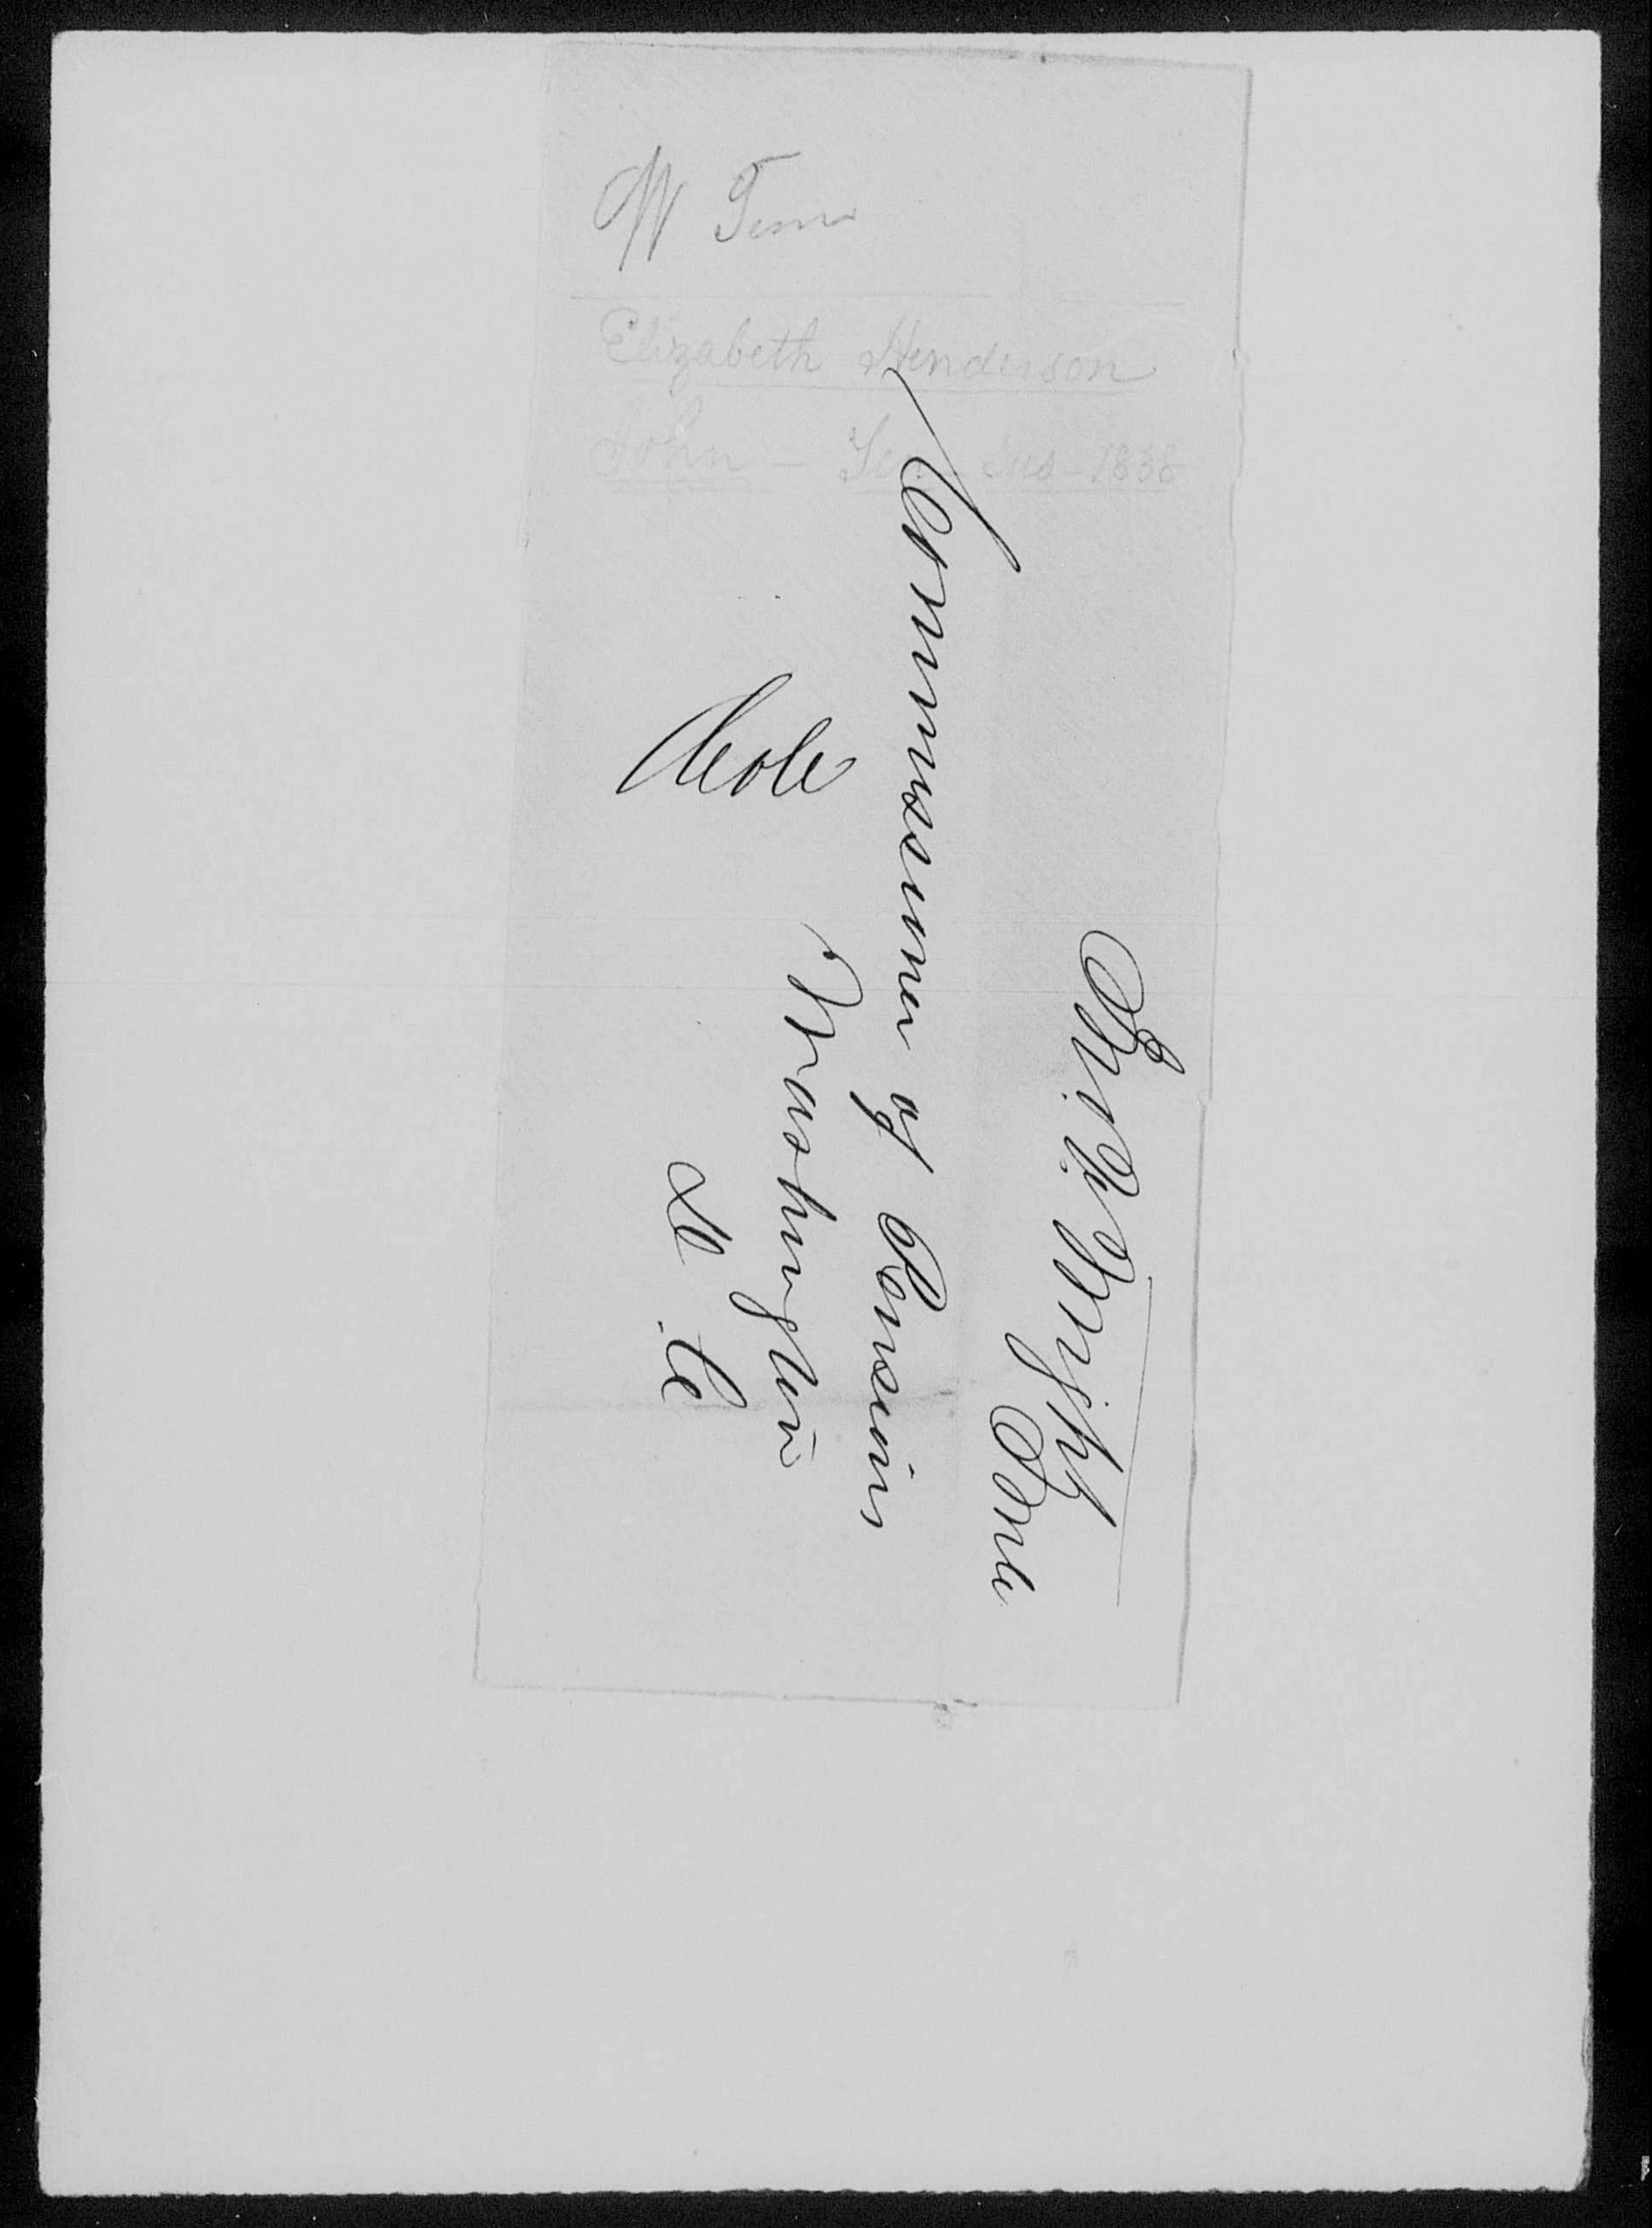W Tenn
________________________
Elizabeth Henderson
________________________
John Tenn Sus - 1838
________________________
[illegible]


Jno. V. Wright [illegible]
Commissioner of Pensions
Washington
D C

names: Jno V Wright, Elizabeth Henderson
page: 18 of 40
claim: rejected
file: R. 4,869, John Henderson, S.C.